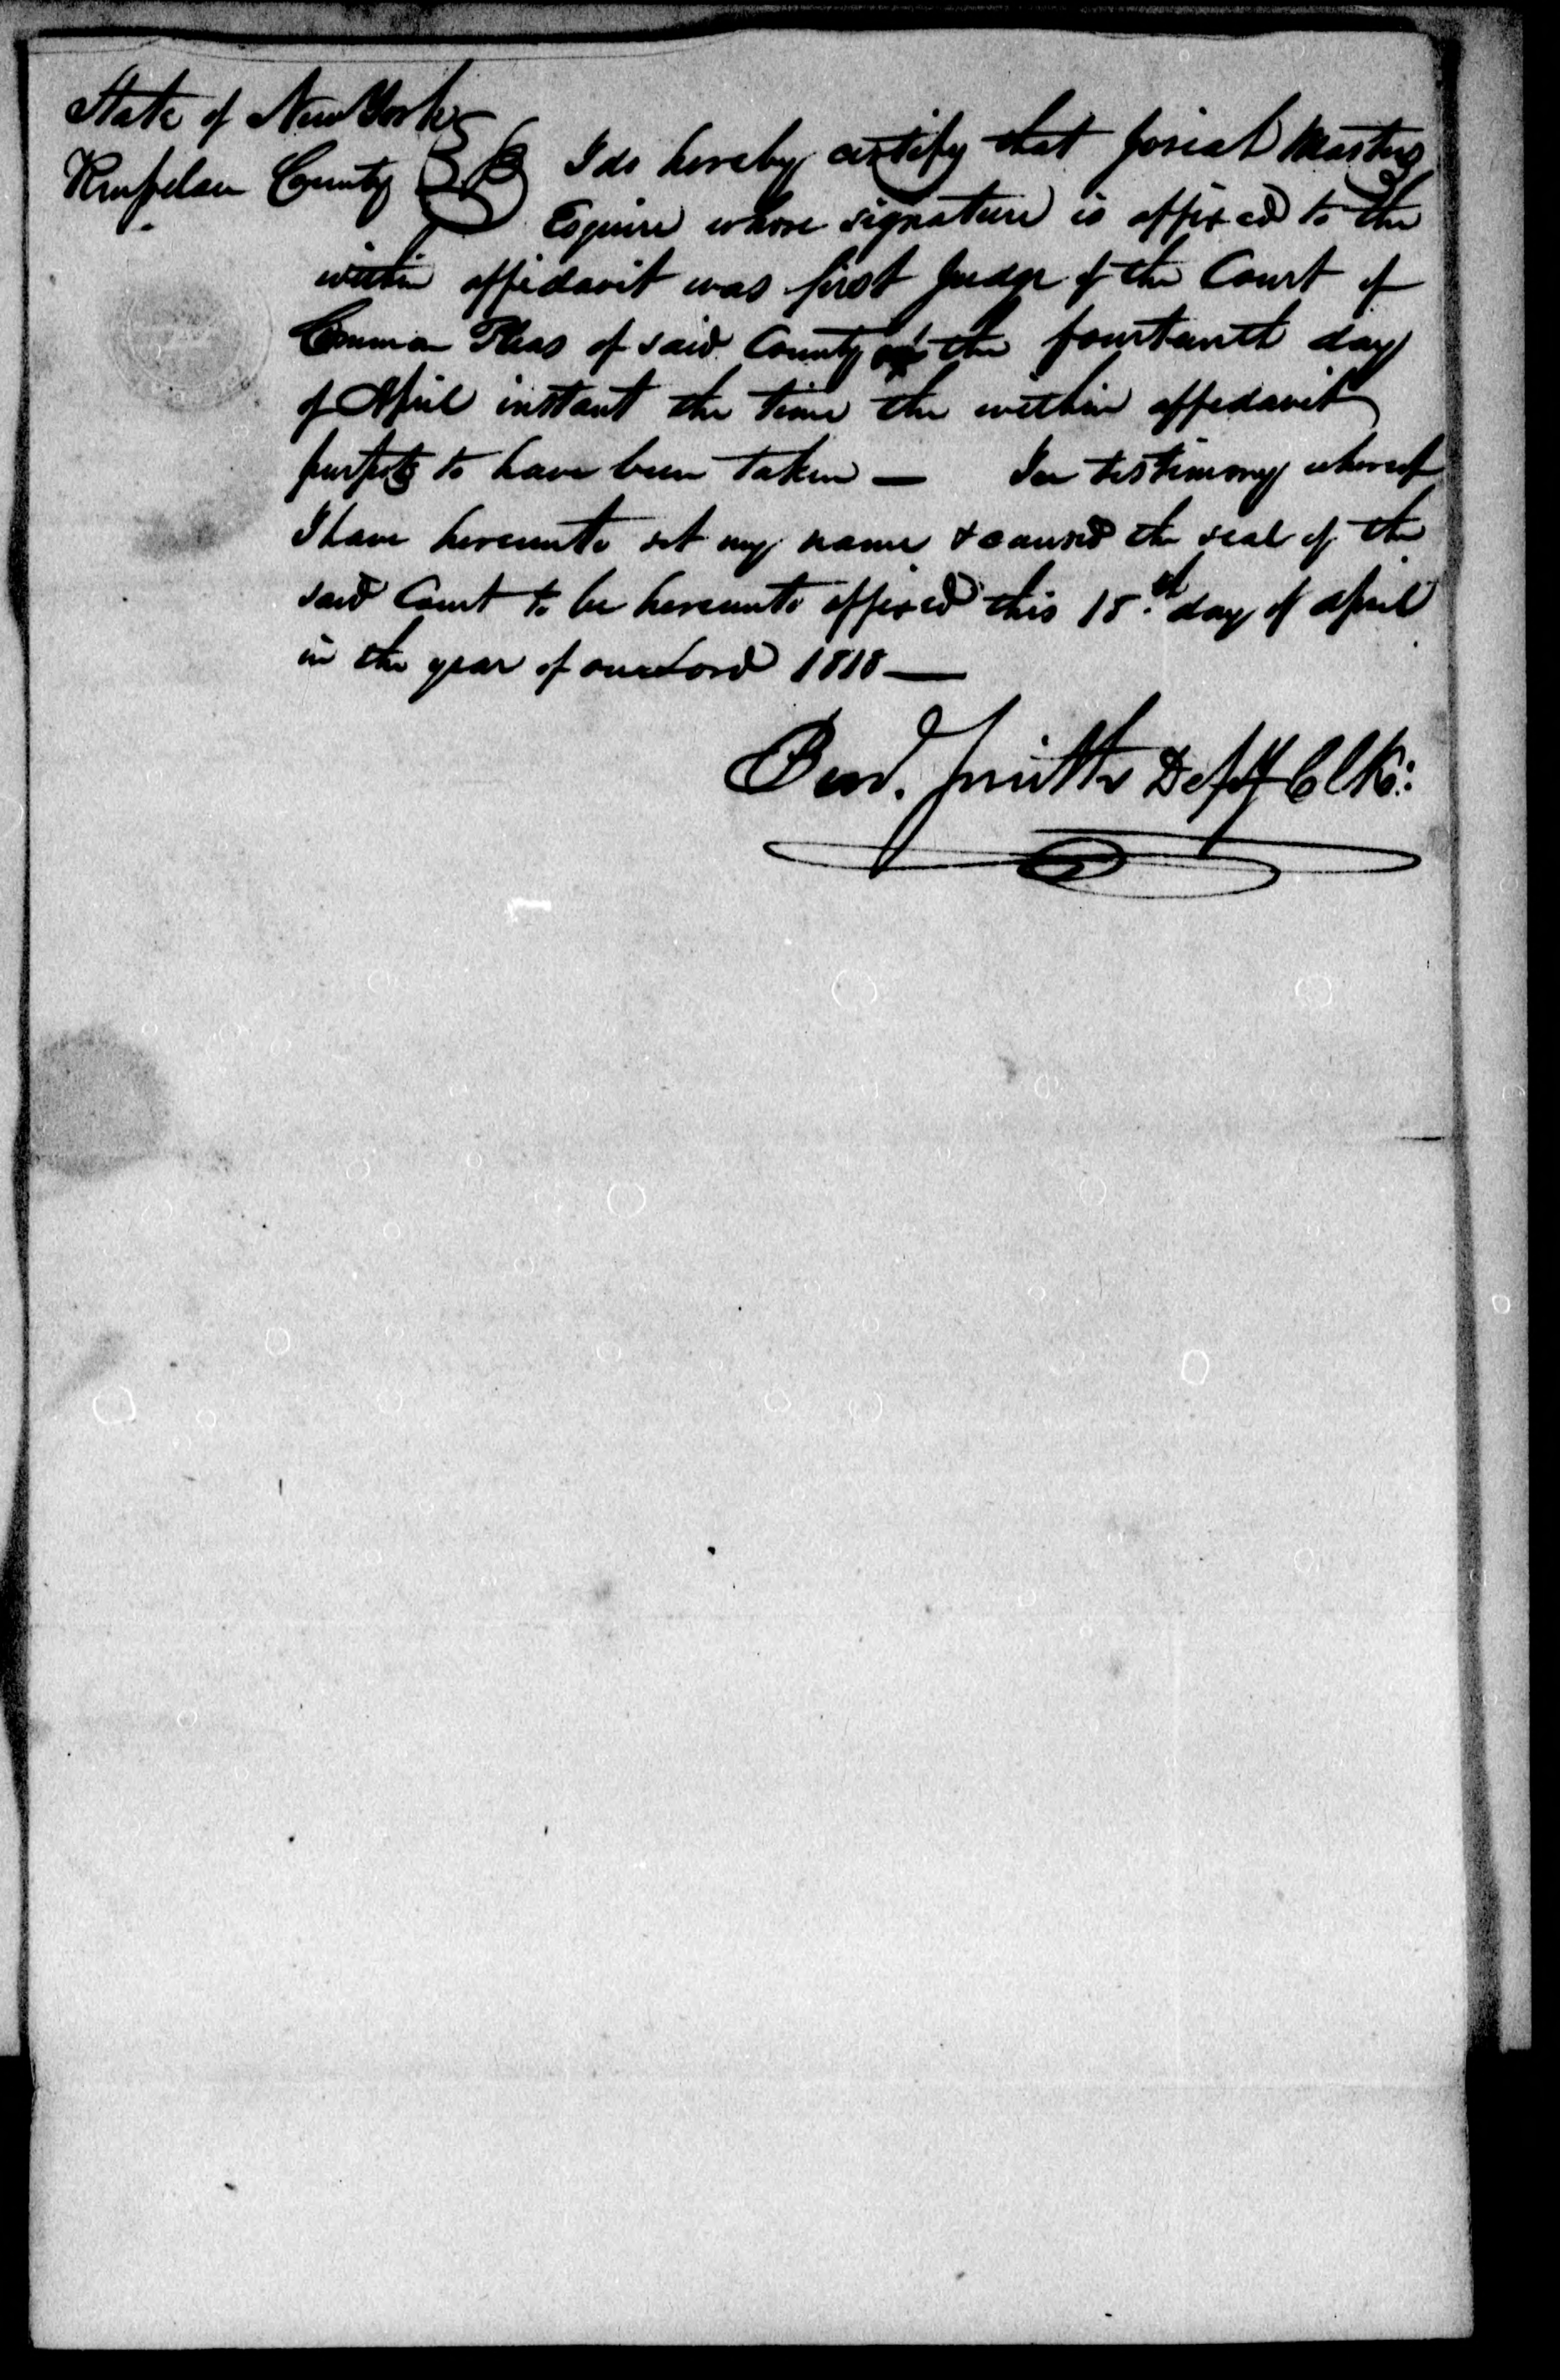State of New York
Rensselaer County

I do hereby certify that Josiah Masters Esquire whose signature is affixed to the within affidavit was first Judge of the Court of Common Pleas of said County the fourteenth day of April extant the time the written affidavit purports to have been taken __ In testimony whereof I have hereunto set my name and caused the seal of the aid Court to be hereunto affixed this 18th day of April in the year of our Lord 1818 __

(signed)
Ben. Smith Deputy Clk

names: Josiah Masters, Benl Smith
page: 5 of 102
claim: widow's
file: W. 18239, Isaac Van Wart, New York